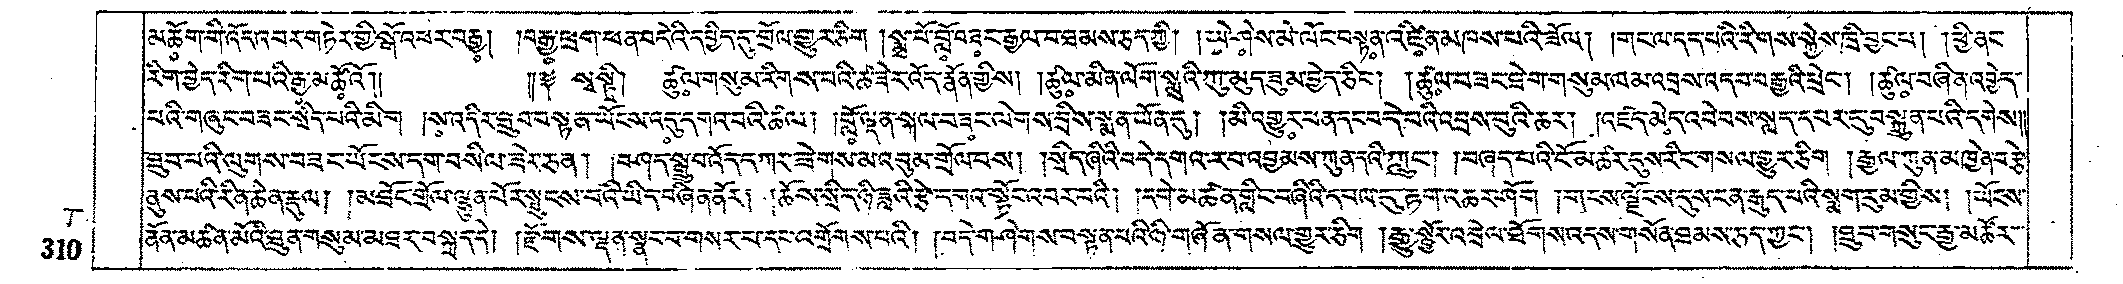མཆོག྾་གི་འོད་འབར་གཏེར་གྱི་སྒོ་འཕར་བརྒྱ྾། །བརྒྱ྾་ཕྲག་ཕན་བདེའི་དཔྱིད་དུ་གྲོལ་གྱུར་ཅིག །སྨྲ་པོ་བློ྾་བཟང་རྒྱལ་བ་ཐམས་ཅད་ཀྱི། །ཡེ྾་ཤེས྾་མེ་ལོང་བསྟན྾་འཛིན྾་མཁས་པའི་ཟོལ། །གང་ལ་དད་པའི་རིགས་སྐྱེས་ཁྲི་བྱང་པ། །ཕྱི་ནང་
རིག་བྱེད་རིག་པའི་རྒྱ྾་མཚོ྾འོ།། །།འ་སྭསྟྭི། ཚུལ྾་གསུམ་རིགས་པའི་ཚ་ཟེར་འོད་རྣོན་གྱིས། །ཚུལ྾་མིན་ལོག་སྨྲའི་ཀུ་མུད་ཟུམ་བྱེད་ཅིང་། །ཚུལ྾་བཟང་ཐེག་གསུམ་ལམ་འབྲས་འདབ་བརྒྱའི་ཕྲེང་། །ཚུལ྾་བཞིན་འབྱེད་་་
པའི་གཞུང་བཟང་སྲིད་པའི་མིག །ས྾་འདིར་ཐུབ་བསྟན་ཡོངས་འདུ་དགའ་བའི་ཚལ། །བློ྾་ལྡན་སྐལ་བཟང྾་ལེགས་བྲིས་སྨན་ཡོན་དུ། །མི་འགྱུར྾་ཕན་དང་བདེ་བའི་འབྲས་བུའི་ཆར། །འཛད་མེད྾་འབེབས་སླད་དཔར་དུ་བསྐྲུན་པའི་དགེས།།
ཐུབ་པའི་ལུགས་བཟང་ཡོངས་དག་བསིལ་ཟེར་ཅན། །བཤད་སྒྲུབ་འོད་དཀར་ཟེགས་མ་འབུམ་གྲོལ་བས། །སྲིད་ཞིའི་བདེ་དགའ་རབ་འབྱམས་ཀུན་དའི་ཀླུང་། །བཞད་པའི་ངོ་མཚར་དུས་རིང་གསལ་གྱུར་ཅིག །རྒྱལ་ཀུན་མཁྱེན་བརྩེ་
ནུས་པའི་རིན་ཆེན་རྡུལ། །མཐོང་གྲོལ་ལྷུན་པོར་སྤུངས་པའི་ཡིད་བཞིན་ནོར། །ཆོས་སྲིད་ཉི་ཟླའི་རྩེ་དགའ་སྟོང་འབར་བའི། །དགེ་མཚན་གླིང་བཞིའི་དཔལ་དུ་རྟག་འཆར་ཤོག །གངས་ལྗོངས་དུས་ངན་རྒུད་པའི་སྨག་རུམ་གྱིས། །ཡོངས་
ནོན་མཚན་མོའི་ཐུན་གསུམ་མཐར་བསྐྲད་དེ། །རྫོགས་ལྡན་སྣང་བ་གསར་པ་དང་འགྲོགས་པའི། །བདེ་གཤེགས་བསྟན་པའི་ཉི་གཞོན་གསལ་གྱུར་ཅིག །རྒྱུ་སྦྱོར་འབྲེལ་ཐོགས་འདས་གསོན་ཐམས་ཅད་ཀྱང་། །ཐུབ་གསུང་རྒྱ་མཚོར་་་༣